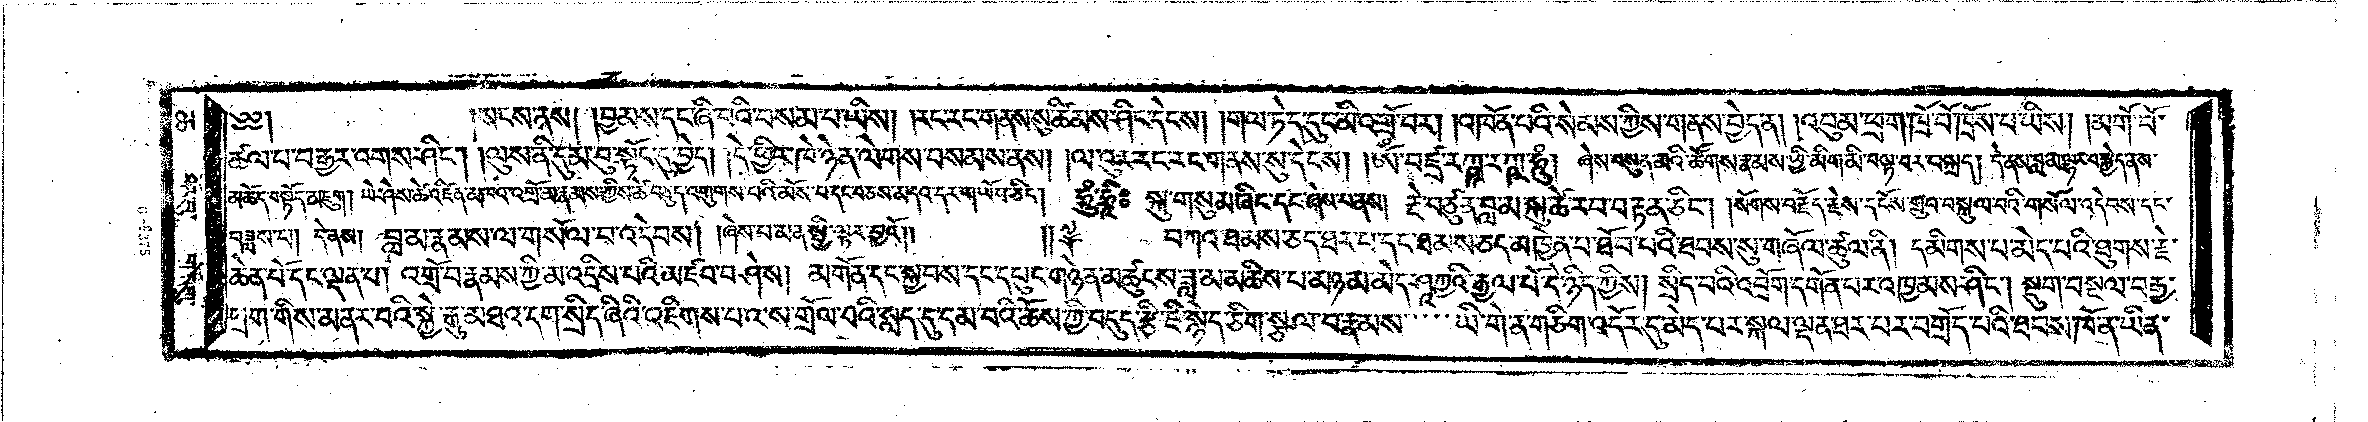༄༅། །སངས་ནས། །བྱམས་དང་ཞི་བའི་བསམ་པ་ཡིས། །རང་རང་གནས་སུ་ཚིམས་ཤིང་དེངས། །གལ་ཏེ་ད་དུང་མི་འགྲོ་བར། །འཁོན་པའི་སེམས་ཀྱིས་གནས་བྱེད་ན། །འབུམ་ཕྲག་ཁྲོ་བོ་ཁྲོས་པ་ཡིས། །མགོ་བོ་
ཚལ་པ་བརྒྱར་འགས་ཤིང་། །ལུས་ནི་དུམ་བུ་སྟོང་དུ་བྱེད། །དེ་ཕྱིར་ཁེ་ཉེན་ལེགས་བསམས་ནས། །ལ་འུར་རང་རང་གནས་སུ་དེངས། །ཨོཾ་བཛྲ་རཀྵ་རཀྵ་ཧཱུཾ། ཞེས་བསུན་མའི་ཚོགས་རྣམས་ཡི་མིག་མི་བལྟ་བར་བསྐྲད། དེ་ནས་བླ་མ་ལྷར་བསྐྱེད་ནས་
མཆོད་བསྟོད་མཇུག །ཡེ་ཤེས་ཚེ་འཛིན་མཁའ་འགྲོ་མ་རྣམས་ཀྱིས་ཚེ་བཅུད་འགུགས་པའི་མོས་པ་དང་བཅས་མདའ་དར་གཡོབ་ཅིང་། ཧཱུཾ་ཧྲཱིཿ སྐུ་གསུམ་ཞིང་དང་ཞེས་པ་ནས།  རྗེ་བཙུན་བླ་མ་སྐུ་ཚེ་རབ་བརྟན་ཅིང་། །སོགས་བརྗོད་རྗེས་དངོས་གྲུབ་བསྐུལ་བའི་གསོལ་འདེབས་དང་
བཟླས་པ། དེ་ནས། བླ་མ་རྣམས་ལ་གསོལ་བ་འདེབས། །ཞེས་པ་མན་སྤྱི་ལྟར་བྱའོ།།  །། ༈ བཀའ་ཐམས་ཅད་ཐར་པ་དང་ཐམས་ཅད་མཁྱེན་པ་ཐོབ་པའི་ཐབས་སུ་གཞོལ་ཚུལ་ནི། དམིགས་པ་མེད་པའི་ཐུགས་རྗེ་
ཆེན་པོ་དང་ལྡན་པ། འགྲོ་བ་རྣམས་ཀྱི་མ་འདྲིས་པའི་མཛབ་བཤེས། མགོན་དང་སྐྱབས་དང་དཔུང་གཉེན་མཚུངས་ཟླ་མ་མཆིམས་པ་མཉམ་མེད་ཤཱཀྱའི་རྒྱལ་པོ་དེ་ཉིད་ཀྱིས། སྲིད་པའི་འབྲོག་དགོན་པར་འཁྱམས་ཤིང་། སྡུག་བསྔལ་བརྒྱ་
ཕྲག་གིས་མནར་བའི་སྐྱེ་རྒུ་མཐའ་དག་སྲིད་ཞིའི་འཇིགས་པ་འ་ས་གྲོལ་བའི་སླད་དུ་དམ་བའི་ཆོས་ཀྱི་བདུད་རྩི་ཇི་སྙེད་ཅིག་སྩལ་བ་རྣམས་ཡི་གེ་ན་གཅིག་འདོར་དུ་མེད་བར་སྐལ་ལྡན་ཐར་པར་བགྲོད་པའི་ཐབས་ཁོ་ན་ཡིན་